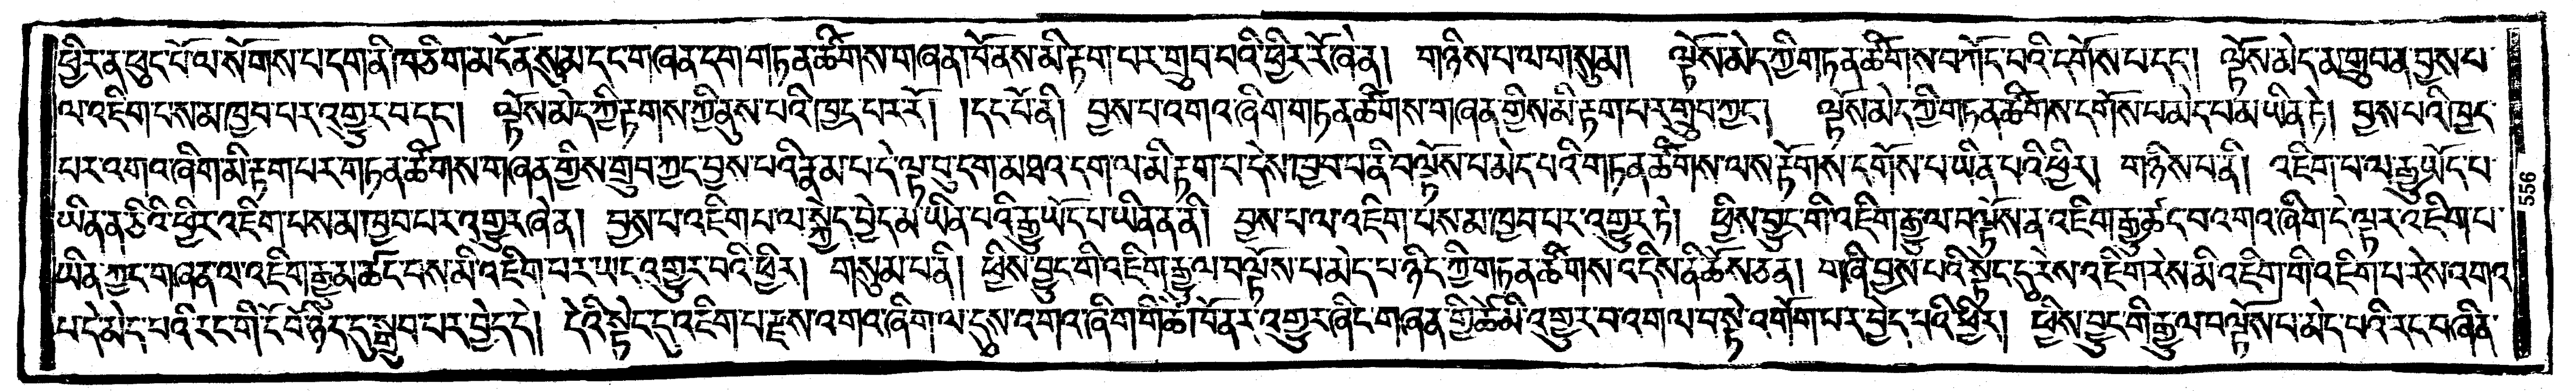ཕྱིར་ན་ཕུང་པོ་ལ་སོགས་པ་དག་ནི་ཁ་ཅིག་མངོན་སུམ་དང་གཞན་དག་གཏན་ཚིགས་གཞན་ཁོ་ནས་མི་རྟག་པར་གྲུབ་པའི་ཕྱིར་རོ་ཞེ་ན། གཉིས་པ་ལ་གསུམ། ལྟོས་མེད་ཀྱི་གཏན་ཚིགས་བཀོད་པའི་དགོས་པ་དང་། ལྟོས་མེད་མ་གྲུབ་ན་བྱས་པ་
ལ་འཇིག་པས་མ་ཁྱབ་པར་འགྱུར་བ་དང་། ལྟོས་མེད་ཀྱི་རྟགས་ཀྱི་ནུས་པའི་ཁྱད་པར་རོ། །དང་པོ་ནི། བྱས་པ་འགའ་ཞིག་གཏན་ཚིགས་གཞན་གྱིས་མི་རྟག་པར་གྲུབ་ཀྱང་། ལྟོས་མེད་ཀྱི་གཏན་ཚིགས་དགོས་པ་མེད་པ་མ་ཡིན་ཏེ། བྱས་པའི་ཁྱད་
པར་འགའ་ཞིག་མི་རྟག་པར་གཏན་ཚིགས་གཞན་གྱིས་གྲུབ་ཀྱང་བྱས་པའི་རྣམ་པ་དེ་ལྟ་བུ་དག་མཐའ་དག་ལ་མི་རྟག་པ་དེས་ཁྱབ་པ་ནི་བལྟོས་པ་མེད་པའི་གཏན་ཚིགས་ལས་རྟོགས་དགོས་པ་ཡིན་པའི་ཕྱིར། གཉིས་པ་ནི། འཇིག་པ་ལ་རྒྱུ་ཡོད་པ་
ཡིན་ན་ཅིའི་ཕྱིར་འཇིག་པས་མ་ཁྱབ་པར་འགྱུར་ཞེ་ན། བྱས་པ་འཇིག་པ་ལ་སྐྱེད་བྱེད་མ་ཡིན་པའི་རྒྱུ་ཡོད་པ་ཡིན་ན་ནི། བྱས་པ་ལ་འཇིག་པས་མ་ཁྱབ་པར་འགྱུར་ཏེ། ཕྱིས་བྱུང་གི་འཇིག་རྒྱུ་ལ་བལྟོས་ན་འཇིག་རྒྱུ་ཚང་བ་འགའ་ཞིག་དེ་ལྟར་འཇིག་པ་
ཡིན་ཀྱང་གཞན་ལ་འཇིག་རྒྱུ་མ་ཚང་བས་མི་འཇིག་པར་ཡང་འགྱུར་བའི་ཕྱིར། གསུམ་པ་ནི། ཕྱིས་བྱུང་གི་འཇིག་རྒྱུ་ལ་བལྟོས་པ་མེད་པ་ཉིད་ཀྱི་གཏན་ཚིགས་འདིས་ནི་ཆོས་ཅན། གཞི་བྱས་པའི་སྟེང་དུ་རེས་འཇིག་རེས་མི་འཇིག་གི་འཇིག་པ་རེས་འགའ་
པ་དེ་མེད་པའི་རང་གི་ངོ་བོ་ཉིད་དུ་སྒྲུབ་པར་བྱེད་དེ། དེའི་སྟེང་དུ་འཇིག་པ་རྫས་འགའ་ཞིག་ལ་དུས་འགའ་ཞིག་གི་ཚེ་ཁོ་ནར་འགྱུར་ཞིང་གཞན་གྱི་ཚེ་མི་འགྱུར་བ་འགལ་བ་སྟེ་འགོག་པར་བྱེད་པའི་ཕྱིར། ཕྱིས་བྱུང་གི་རྒྱུ་ལ་བལྟོས་པ་མེད་པའི་རང་བཞིན་